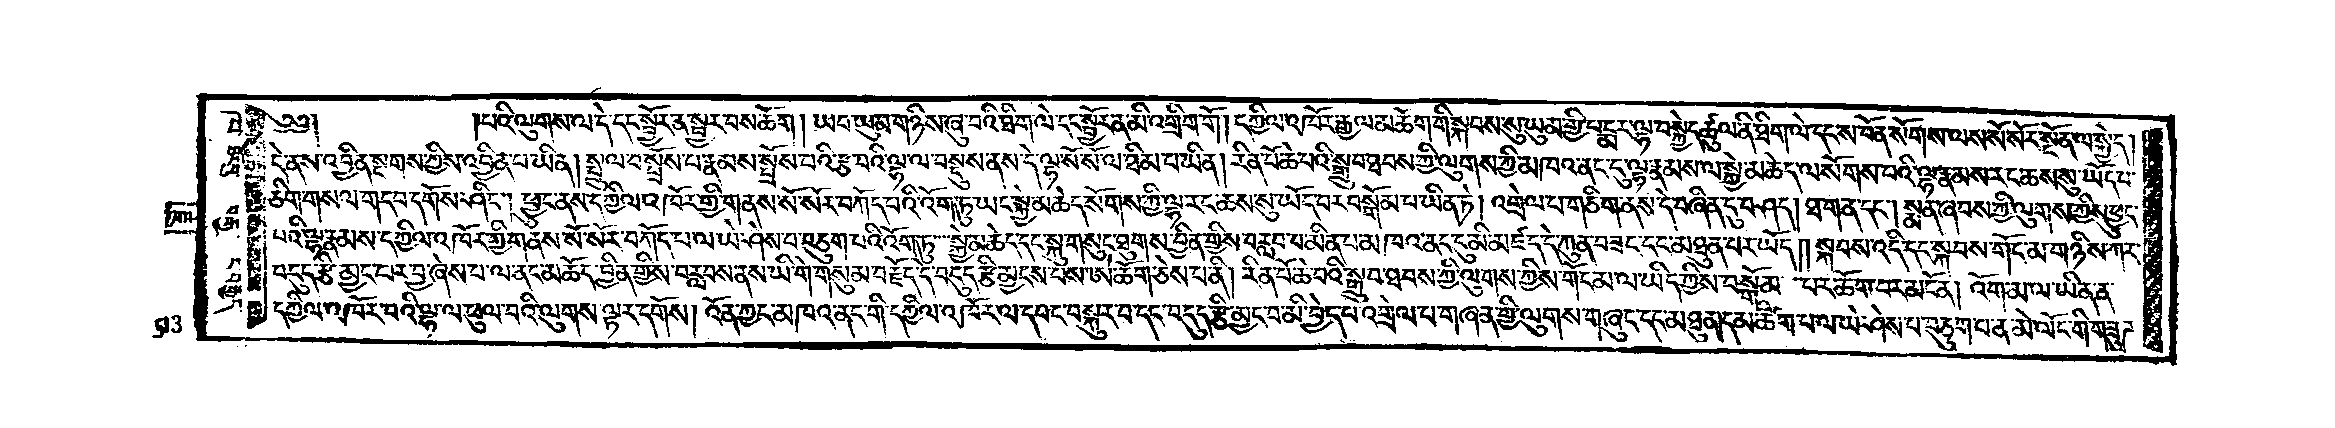༄༅། །པའི་ལུགས་ལ་དེ་དང་སྦྱོར་ན་སྦྱར་བས་ཆོག །ཡབ་ཡུམ་གཉིས་ཞུ་བའི་ཐིག་ལེ་དང་སྦྱོར་ན་མི་འགྲིག་གོ །དཀྱིལ་འཁོར་རྒྱལ་མཆོག་གི་སྐབས་སུ་ཡུམ་གྱི་པདམར་ལྷ་བསྐྱེད་ཚུལ་ནི་ཐིག་ལེ་དང་ས་བོན་སོགས་ལས་སོ་སོར་སྔོན་ལ་སྐྱེད།
དེ་ནས་འབྱིན་སྔགས་ཀྱིས་འབྱིན་པ་ཡིན། སྤྲུལ་པ་སྤྲོས་པ་རྣམས་སྤྲོས་པའི་རྩ་བའི་ལྷ་ལ་བསྡུས་ནས་དེ་ལྷ་སོ་སོ་ལ་ཐིམ་པ་ཡིན། རིན་པོ་ཆེ་པའི་སྒྲུབ་ཐབས་ཀྱི་ལུགས་ཀྱི་མཁའ་ནང་དུ་ལྷ་རྣམས་ལ་སྐྱེ་མཆེད་ལ་སོགས་པའི་ལྷ་རྣམས་རང་ཆས་སུ་ཡོད་པ་
ཅིག་གསལ་གདབ་དགོས་ཤིང་། ཕྱུང་ནས་དཀྱིལ་འཁོར་གྱི་གནས་སོ་སོར་བཀོད་པའི་འོག་ཏུ་ཡང་སྐྱེ་མཆེད་སོགས་ཀྱི་ལྷ་རང་ཆས་སུ་ཡོད་པར་བསྒོམ་པ་ཡིན་ཏེ། འགྲེལ་པ་གཅིག་ནས་དེ་བཞིན་དུ་བཤད། ཐ་ག་ན་དང་། སྨན་ཞབས་ཀྱི་ལུགས་ཀྱིས་ཕྱུང་
བའི་ལྷ་རྣམས་དཀྱིལ་འཁོར་གྱི་གནས་སོ་སོར་བཀོད་པ་ལ་ཡེ་ཤེས་པ་བཅུག་པའི་འོག་ཏུ་སྐྱེ་མཆེད་དང་སྐུ་གསུང་ཐུགས་བྱིན་གྱིས་བརླབ་པ་མིན་པ་མཁའ་ནང་དུ་མི་མཛད་དེ་ཀུན་བཟང་དང་མཐུན་པར་ཡོད། །སྐབས་འདི་དང་སྐབས་གོང་མ་གཉིས་ཀར་
བདུད་རྩི་མྱང་པར་བྱ་ཞེས་པ་ལ་ནང་མཆོད་བྱིན་གྱིས་བརླབས་ནས་ཡི་གེ་གསུམ་བརྗོད་དེ་བདུད་རྩི་མྱངས་པས་ཨེ་ཆོག་ཅེས་པ་ནི། རིན་པོ་ཆེ་པའི་སྒྲུབ་ཐབས་ཀྱི་ལུགས་ཀྱིས་གོང་མ་ལ་ཡིད་ཀྱིས་བསྒོམ་པར་ཆོག་པར་མངོན། འོག་མ་ལ་ཡིན་ན་
དཀྱིལ་འཁོར་བའི་ལྷ་ལ་ཕུལ་བའི་ལུགས་ལྟར་དགོས། འོན་ཀྱང་མཁའ་ནང་གི་དཀྱིལ་འཁོར་ལ་དབང་བསྐུར་བ་དང་བདུད་རྩི་མྱང་བ་མི་བྱེད་པ་འགྲེལ་པ་གཞན་གྱི་ལུགས་གཞུང་དང་མཐུན། དམ་ཚིག་པ་ལ་ཡེ་ཤེས་པ་བཅུག་པ་ན་མེ་ལོང་གི་གཟུགས་